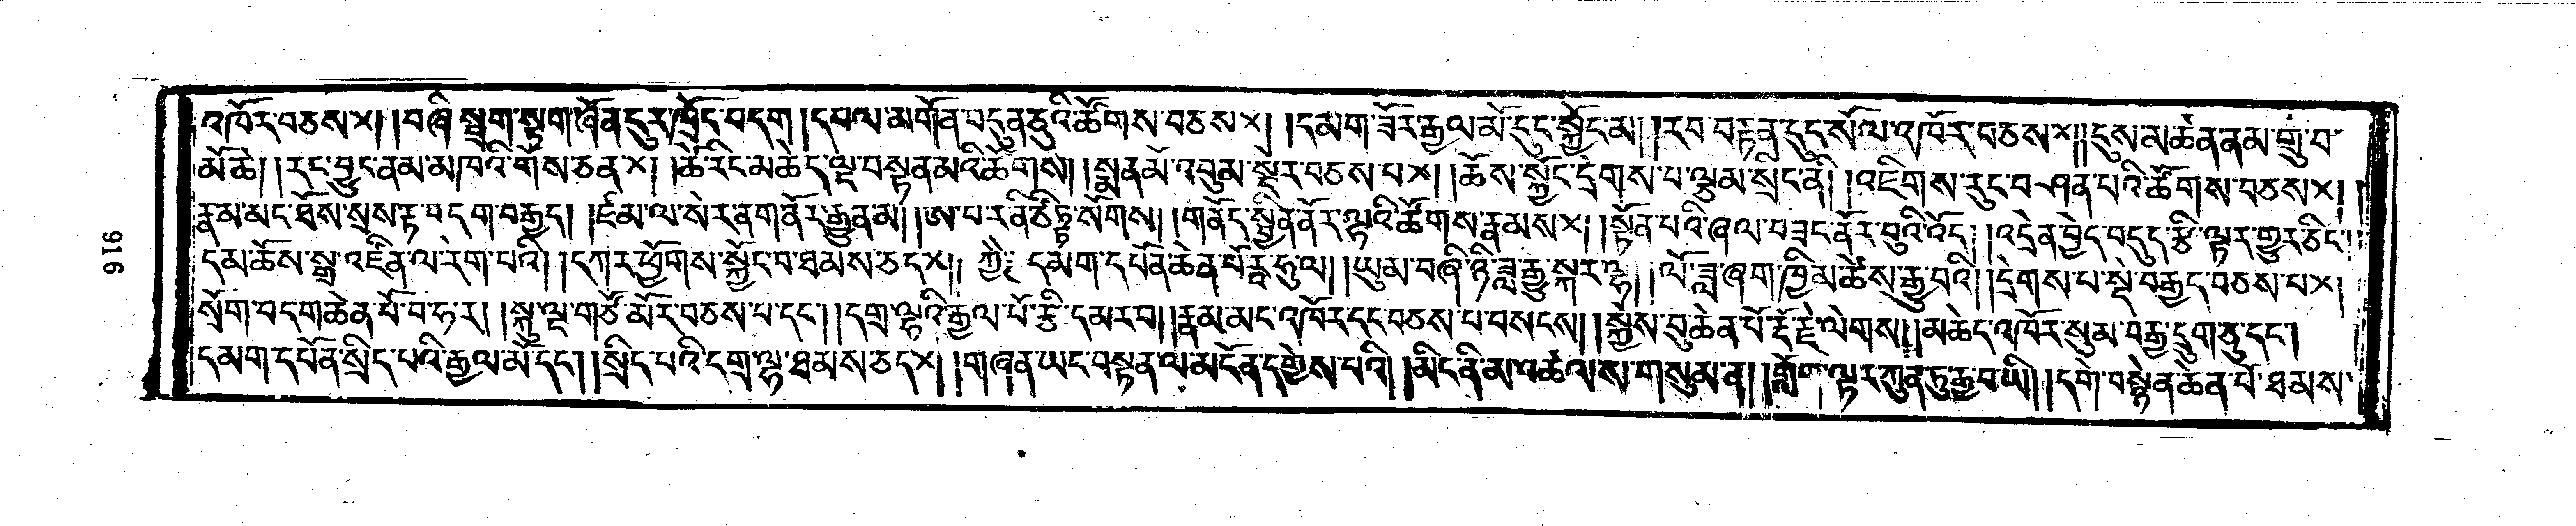འཁོར་བཅས་྾། །བཞི་སྦྲག་སྟག་ཞོན་དུར་ཁྲོད་བདག །དཔལ་མགོན་བདུན་ཅུའི་ཚོགས་བཅས་྾། །དམག་ཟོར་རྒྱལ་མོ་དུང་སྐྱོང་མ། །རབ་བརྟན་དུད་སོལ་འཁོར་བཅས་྾། །དུས་མཚན་ནམ་གྲུབ་
མོ་ཆེ། །རང་བྱུང་ནམ་མཁའི་གོས་ཅན་྾། །ཚེ་རིང་མཆེད་ལྔ་བསྟན་མའི་ཚོགས། །སྨན་མོ་འབུམ་སྡེར་བཅས་པ་྾། །ཆོས་སྐྱོང་དྲེགས་པ་ལྕམ་སྲིང་ནི། །འཇིགས་རུང་བཤན་པའི་ཚོགས་བཅས་྾། །
རྣམ་མང་ཐོས་སྲས་རྟ་བདག་བརྒྱད། །ཛམ་ལ་སེར་ནག་ནོར་རྒྱུན་མ། །ཨ་པ་ར་ནི་ཙིཏྟ་སོགས། །གནོད་སྦྱིན་ནོར་ལྷའི་ཚོགས་རྣམས་྾། །སྟོན་པའི་ཞལ་བཟང་ནོར་བུའི་འོད། །འདྲེན་བྱེད་བདུད་རྩི་ལྟར་གྱུར་ཅིང་། །
དམ་ཆོས་སྒྲ་འཛིན་ལ་རེག་པའི། །དཀར་ཕྱོགས་སྐྱོང་བ་ཐམས་ཅད་྾།། ཀྱཻ༑ དམག་དཔོན་ཆེན་པོ་རཱ་ཧུ་ལ། །ཡུམ་བཞི་ཉི་ཟླ་རྒྱུ་སྐར་ལྷ། །ལོ་ཟླ་ཞག་ཁྱིམ་ཚེས་རྒྱུ་བའི། །དྲེགས་པ་སྡེ་བརྒྱད་བཅས་པ་྾།
སྲོག་བདག་ཆེན་པོ་བི་ཧ་ར། །སྐུ་ལྔ་གཙོ་མོར་བཅས་པ་དང་། །དགྲ་ལྷའི་རྒྱལ་པོ་རྩི་དམར་བ། །རྣམ་མང་འཁོར་དང་བཅས་པ་བསངས། །སྐྱེས་བུ་ཆེན་པོ་རྡོ་རྗེ་ལེགས། །མཆེད་འཁོར་སུམ་བརྒྱ་དྲུག་ཅུ་དང་། །
དམག་དཔོན་སྲིད་པའི་རྒྱལ་མོ་དང་། །སྲིད་པའི་དགྲ་ལྷ་ཐམས་ཅད་྾། །གཞན་ཡང་བསྟན་ལ་མངོན་དགྱེས་པའི། །མིང་ནི་མ་འཚལ་ས་གསུམ་ན། །གློག་ལྟར་ཀུན་ཏུ་རྒྱུ་བ་ཡི། །དགེ་བསྙེན་ཆེན་པོ་ཐམས་